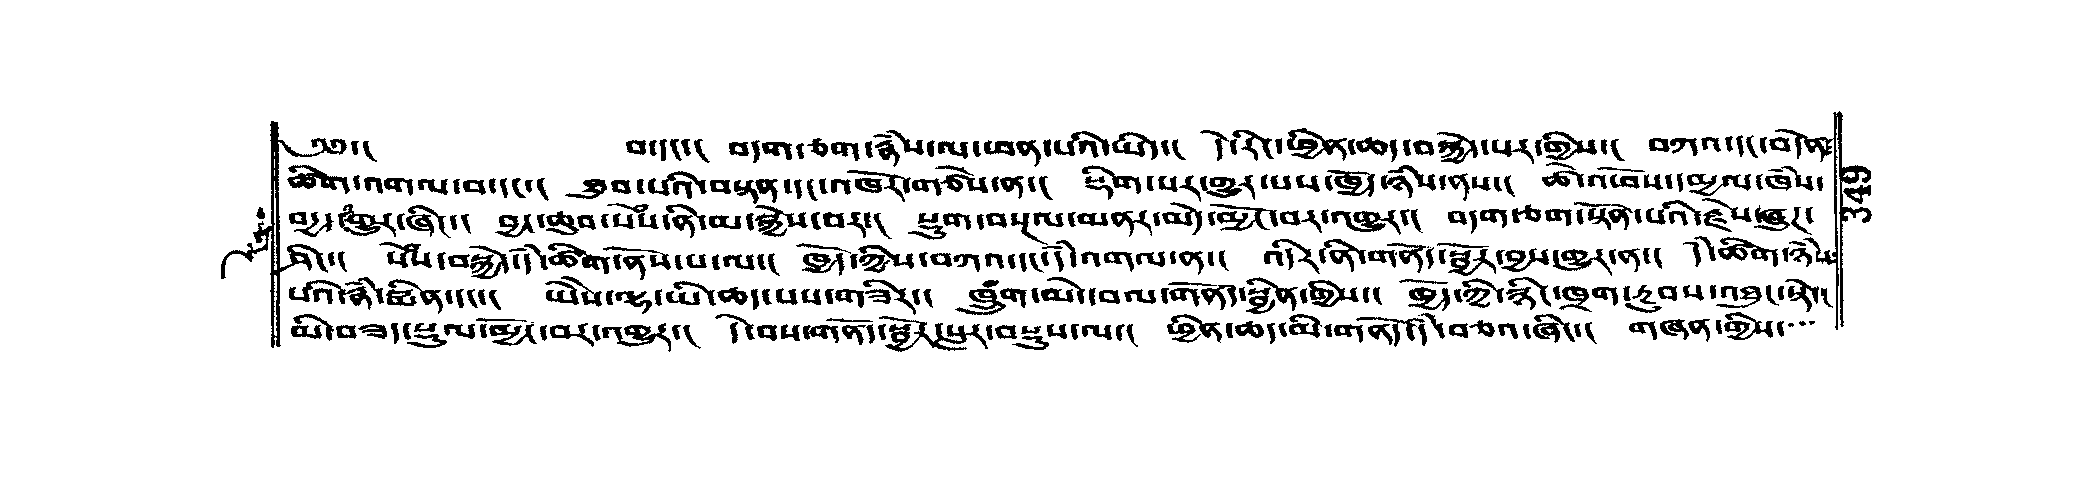བ་དང་། །བདག་ཅག་རྣམས་ལ་ཕན་པའི་ཡིད། །དེ་རིང་ཕྱིན་ཆད་བསྐྱེད་པར་གྱིས། །བཀའ་དང་བདེན་
ཚིག་འགལ་བ་དང་། །ཐུབ་པའི་བསྟན་དང་འཁོར་གཙེས་ན། །སྡིག་པར་གྱུར་པས་ཁྱོད་ཉམས་ནས། །ཚེ་འཕོས་དམྱལ་ཁམས་
བརྒྱད་འགྱུར་ཞིང་། །བྱང་ཆུབ་སེམས་ནི་མ་སྐྱེས་བར། །སྡུག་བསྔལ་མནར་མེད་མྱོང་བར་འགྱུར། །བདག་ཅག་སྟོན་པའི་རྗེས་ཞུགས་
ཤིང་། །སེམས་བསྐྱེད་དམ་ཚིག་ནོས་པ་ལ། །ཁྱེད་ཀྱིས་བཀའ་དང་དམ་འགལ་ན། །འདིར་ནི་གནོད་སྦྱོར་བྱས་གྱུར་ན། །དམ་ཚིག་ཉམས་
པའི་རྣམ་སྨིན་དང་། །ཡེ་ཤེས་ལྷ་ཡི་ཆད་པས་གཟིར། །ཁྲག་འཐུར་མེ་དབལ་གནོད་སྦྱིན་གྱིས། །ཁྱོད་ཀྱི་སྙིང་ཁྲག་ཧུབས་འཐུང་སྟེ། 
མི་བཟད་སྡུག་བསྔལ་མྱོང་བར་འགྱུར། །དེ་བས་གནོད་སྦྱོར་སླར་བསྡུས་ལ། །ཕྱིན་ཆད་མི་གནོད་དམ་བཅའ་ཞིང་། །གཞན་གྱིས་